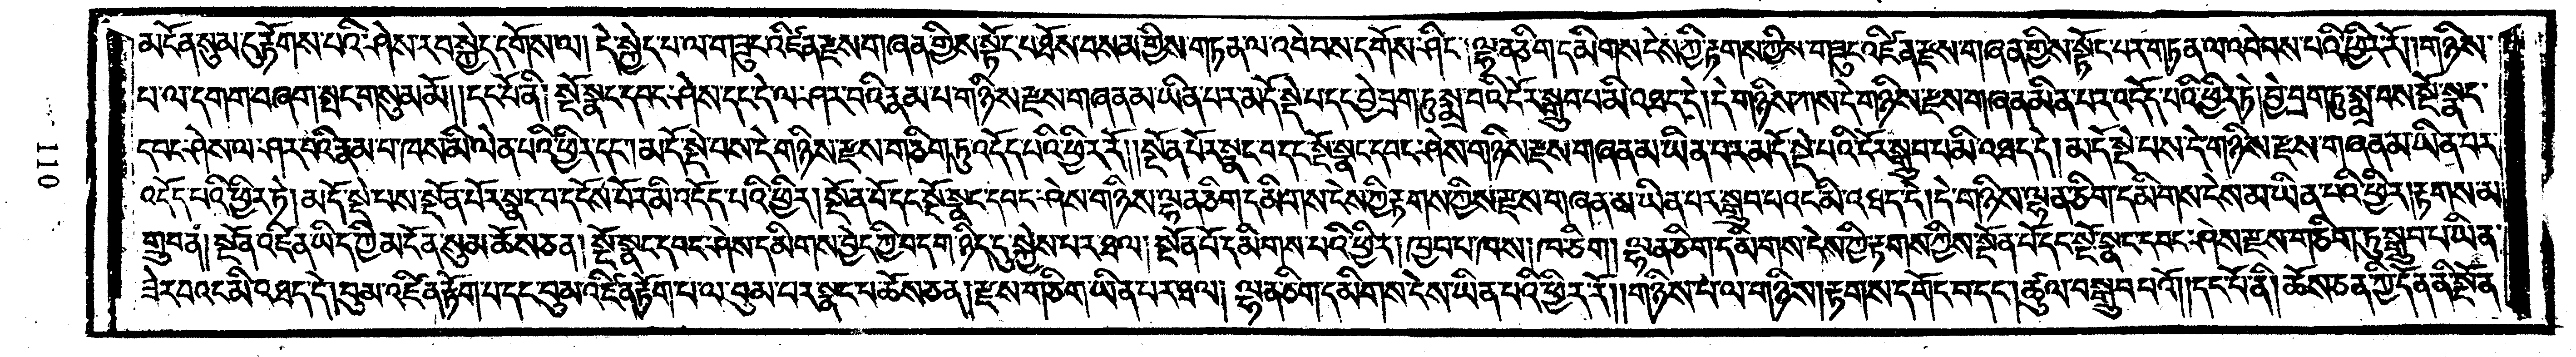མངོན་སུམ་དུ་རྟོགས་པའི་ཤེས་རབ་སྐྱེད་དགོས་ལ། དེ་སྐྱེད་པ་ལ་གཟུང་འཛིན་རྫས་གཞན་གྱིས་སྟོང་བ་ཐོས་བསམ་གྱིས་གཏན་ལ་འབེབས་དགོས་ཤིང་། ལྷན་ཅིག་དམིགས་ངེས་ཀྱི་རྟགས་ཀྱིས་གཟུང་འཛིན་རྫས་གཞན་གྱིས་སྟོང་བར་གཏན་ལ་འབེབས་པའི་ཕྱིར་རོ། །གཉིས་
པ་ལ་དགག་བཞག་སྤང་གསུམ་མོ། །དང་པོ་ནི། སྔོ་སྣང་དབང་ཤེས་དང་དེ་ལ་ཤར་བའི་རྣམ་པ་གཉིས་རྫས་གཞན་མ་ཡིན་པར་མདོ་སྡེ་པ་དང་བྱེ་བྲག་ཏུ་སྨྲ་བའི་ངོར་སྒྲུབ་པ་མི་འཐད་དེ། དེ་གཉིས་ཀས་དེ་གཉིས་རྫས་གཞན་མིན་པར་འདོད་པའི་ཕྱིར་ཏེ། བྱེ་བྲག་ཏུ་སྨྲ་བས་སྔོ་སྣང་
དབང་ཤེས་ལ་ཤར་བའི་རྣམ་པ་ཁས་མི་ལེན་པའི་ཕྱིར་དང་། མདོ་སྡེ་པས་དེ་གཉིས་རྫས་གཅིག་ཏུ་འདོད་པའི་ཕྱིར་རོ། །སྔོན་པོར་སྣང་བ་དང་སྔོ་སྣང་དབང་ཤེས་གཉིས་རྫས་གཞན་མ་ཡིན་པར་མདོ་སྡེ་པའི་ངོར་སྒྲུབ་པ་མི་འཐད་དེ། མདོ་སྡེ་པས་དེ་གཉིས་རྫས་གཞན་མ་ཡིན་པར་
འདོད་པའི་ཕྱིར་ཏེ། མདོ་སྡེ་པས་སྔོན་པོར་སྣང་བ་དངོས་པོར་མི་འདོད་པའི་ཕྱིར། སྔོན་པོ་དང་སྔོ་སྣང་དབང་ཤེས་གཉིས་ལྷན་ཅིག་དམིགས་ངེས་ཀྱི་རྟགས་ཀྱིས་རྫས་གཞན་མ་ཡིན་པར་སྒྲུབ་པའང་མི་འཐད་དེ། དེ་གཉིས་ལྷན་ཅིག་དམིགས་ངེས་མ་ཡིན་པའི་ཕྱིར། རྟགས་མ་
གྲུབ་ན། སྔོན་འཛིན་ཡིད་ཀྱི་མངོན་སུམ་ཆོས་ཅན། སྔོ་སྣང་དབང་ཤེས་དམིགས་བྱེད་ཀྱི་བདག་ཉིད་དུ་སྐྱེས་པར་ཐལ། སྔོན་པོ་དམིགས་པའི་ཕྱིར། ཁྱབ་པ་ཁས། ཁ་ཅིག །ལྷན་ཅིག་དམིགས་ངེས་ཀྱི་རྟགས་ཀྱིས་སྔོན་པོ་དང་སྔོ་སྣང་དབང་ཤེས་རྫས་གཅིག་ཏུ་སྒྲུབ་པ་ཡིན་
ཟེར་བའང་མི་འཐད་དེ། བུམ་འཛིན་རྟོག་པ་དང་བུམ་འཛིན་རྟོག་པ་ལ་བུམ་པར་སྣང་བ་ཆོས་ཅན། རྫས་གཅིག་ཡིན་པར་ཐལ། ལྷན་ཅིག་དམིགས་ངེས་ཡིན་པའི་ཕྱིར་རོ། །གཉིས་པ་ལ་གཉིས། རྟགས་དགོད་པ་དང་། ཚུལ་བསྒྲུབ་པའོ། །དང་པོ་ནི། ཆོས་ཅན་གྱི་དོན་ནི་སྔོན་